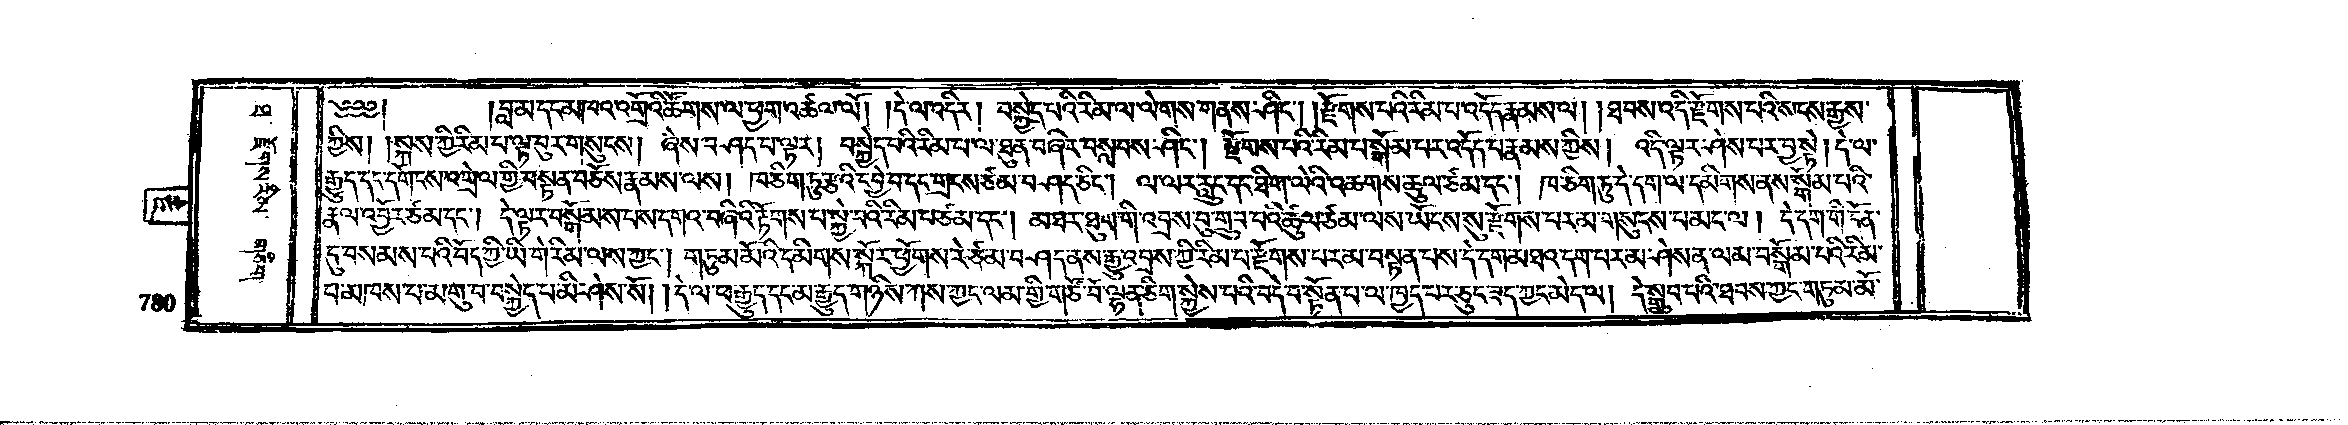༄༅༅། །བླ་མ་དང་མཁའ་འགྲོའི་ཚོགས་ལ་ཕྱག་འཚལ་ལོ། །དེ་ལ་འདིར། བསྐྱེད་པའི་རིམ་ལ་ལེགས་གནས་ཤིང་། །རྫོགས་པའི་རིམ་པ་འདོད་རྣམས་ལ། །ཐབས་འདི་རྫོགས་པའི་སངས་རྒྱས་
ཀྱིས། །སྐས་ཀྱི་རིམ་པ་ལྟ་བུར་གསུངས། ཞེས་བཤད་པ་ལྟར། བསྐྱེད་པའི་རིམ་པ་ལ་ཐུན་བཞིར་བསླབས་ཤིང་། རྫོགས་པའི་རིམ་པ་སྒོམ་པར་འདོད་པ་རྣམས་ཀྱིས། འདི་ལྟར་ཤེས་པར་བྱ་སྟེ། དེ་ལ་
རྒྱུད་དང་དགོངས་འགྲེལ་གྱི་བསྟན་བཅོས་རྣམས་ལས། ཁ་ཅིག་ཏུ་རྩའི་དབྱེ་བ་དང་གྲངས་ཙམ་བཤད་ཅིང་། ལ་ལར་རླུང་དང་ཐིག་ལེའི་འཆགས་ཚུལ་ཙམ་དང་། ཁ་ཅིག་ཏུ་དེ་དག་ལ་དམིགས་ནས་སྒོམ་པའི་
རྣལ་འབྱོར་ཙམ་དང་། དེ་ལྟར་བསྒོམས་པས་དགའ་བཞིའི་རྟོགས་པ་སྐྱེ་བའི་རིམ་པ་ཙམ་དང་། མཐར་ཐུག་གི་འབྲས་བུ་གྲུབ་པའི་ཚུལ་ཙམ་ལས་ཡོངས་སུ་རྫོགས་པར་མ་གསུངས་པ་མང་ལ། དེ་དག་གི་དོན་
དུ་བསམས་པའི་བོད་ཀྱི་ཡི་གེ་རིམ་ལས་ཀྱང་། གཏུམ་མོའི་དམིགས་སྐོར་ཕྱོགས་རེ་ཙམ་བཤད་ནས་རྒྱུ་འབྲས་ཀྱི་རིམ་པ་རྫོགས་པར་མ་བསྟན་པས་དེ་དག་མཐའ་དག་པར་མ་ཤེས་ན་ལམ་བསྒོམ་པའི་རིམ་
པ་མཁས་པ་མགུ་བ་བསྐྱེད་པ་མི་ཤེས་སོ། །དེ་ལ་ཕ་རྒྱུད་དང་མ་རྒྱུད་གཉིས་ཀས་ཀྱང་ལམ་གྱི་གཙོ་བོ་ལྷན་ཅིག་སྐྱེས་པའི་བདེ་བ་སྟོན་པ་ལ་ཁྱད་པར་ཅུང་ཟད་ཀྱང་མེད་ལ། དེ་སྒྲུབ་པའི་ཐབས་ཀྱང་གཏུམ་མོ་